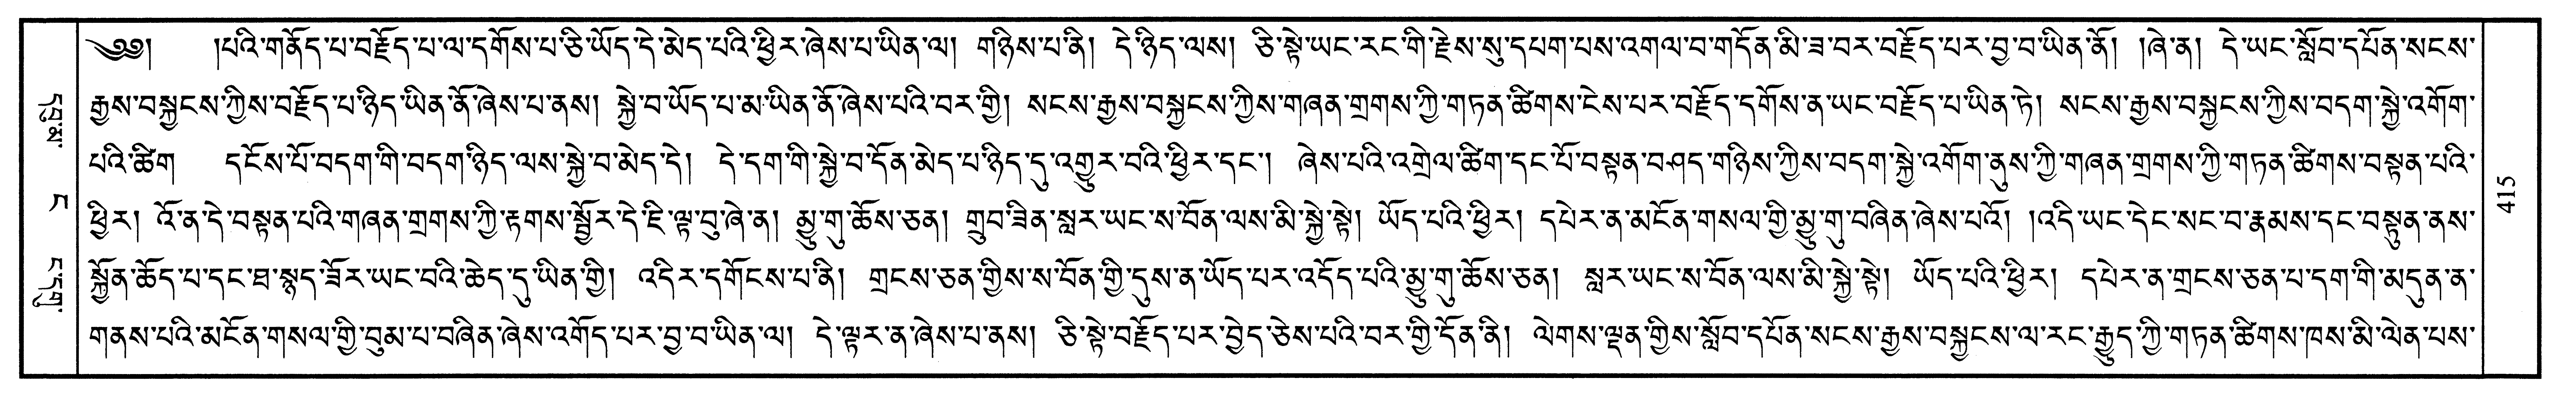༄༅། །པའི་གནོད་པ་བརྗོད་པ་ལ་དགོས་པ་ཅི་ཡོད་དེ་མེད་པའི་ཕྱིར་ཞེས་པ་ཡིན་ལ། གཉིས་པ་ནི། དེ་ཉིད་ལས། ཅི་སྟེ་ཡང་རང་གི་རྗེས་སུ་དཔག་པས་འགལ་བ་གདོན་མི་ཟ་བར་བརྗོད་པར་བྱ་བ་ཡིན་ནོ། །ཞེ་ན། དེ་ཡང་སློབ་དཔོན་སངས་
རྒྱས་བསྐྱངས་ཀྱིས་བརྗོད་པ་ཉིད་ཡིན་ནོ་ཞེས་པ་ནས། སྐྱེ་བ་ཡོད་པ་མ་ཡིན་ནོ་ཞེས་པའི་བར་གྱི། སངས་རྒྱས་བསྐྱངས་ཀྱིས་གཞན་གྲགས་ཀྱི་གཏན་ཚིགས་ངེས་པར་བརྗོད་དགོས་ན་ཡང་བརྗོད་པ་ཡིན་ཏེ། སངས་རྒྱས་བསྐྱངས་ཀྱིས་བདག་སྐྱེ་འགོག་
པའི་ཚིག །དངོས་པོ་བདག་གི་བདག་ཉིད་ལས་སྐྱེ་བ་མེད་དེ། དེ་དག་གི་སྐྱེ་བ་དོན་མེད་པ་ཉིད་དུ་འགྱུར་བའི་ཕྱིར་དང་། ཞེས་པའི་འགྲེལ་ཚིག་དང་པོ་བསྟན་བཤད་གཉིས་ཀྱིས་བདག་སྐྱེ་འགོག་ནུས་ཀྱི་གཞན་གྲགས་ཀྱི་གཏན་ཚིགས་བསྟན་པའི་
ཕྱིར། འོ་ན་དེ་བསྟན་པའི་གཞན་གྲགས་ཀྱི་རྟགས་སྦྱོར་དེ་ཇི་ལྟ་བུ་ཞེ་ན། མྱུ་གུ་ཆོས་ཅན། གྲུབ་ཟིན་སླར་ཡང་ས་བོན་ལས་མི་སྐྱེ་སྟེ། ཡོད་པའི་ཕྱིར། དཔེར་ན་མངོན་གསལ་གྱི་མྱུ་གུ་བཞིན་ཞེས་པའོ། །འདི་ཡང་དེང་སང་བ་རྣམས་དང་བསྟུན་ནས་
སྐྱོན་ཆོད་པ་དང་ཐ་སྙད་ཟོར་ཡང་བའི་ཆེད་དུ་ཡིན་གྱི། འདིར་དགོངས་པ་ནི། གྲངས་ཅན་གྱིས་ས་བོན་གྱི་དུས་ན་ཡོད་པར་འདོད་པའི་མྱུ་གུ་ཆོས་ཅན། སླར་ཡང་ས་བོན་ལས་མི་སྐྱེ་སྟེ། ཡོད་པའི་ཕྱིར། དཔེར་ན་གྲངས་ཅན་པ་དག་གི་མདུན་ན་
གནས་པའི་མངོན་གསལ་གྱི་བུམ་པ་བཞིན་ཞེས་འགོད་པར་བྱ་བ་ཡིན་ལ། དེ་ལྟར་ན་ཞེས་པ་ནས། ཅི་སྟེ་བརྗོད་པར་བྱེད་ཅེས་པའི་བར་གྱི་དོན་ནི། ལེགས་ལྡན་གྱིས་སློབ་དཔོན་སངས་རྒྱས་བསྐྱངས་ལ་རང་རྒྱུད་ཀྱི་གཏན་ཚིགས་ཁས་མི་ལེན་པས་